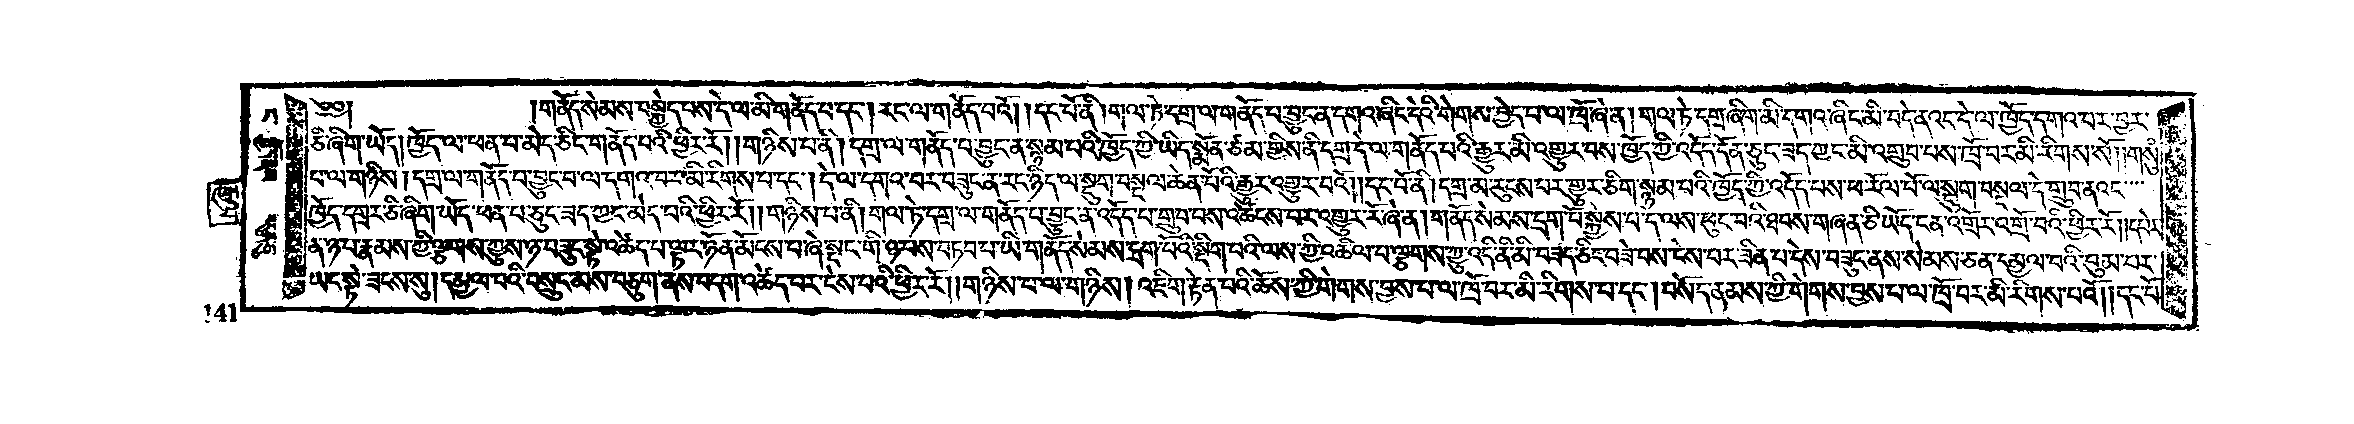༄༅། །གནོད་སེམས་བསྐྱེད་པས་དེ་ལ་མི་གནོད་པ་དང་། རང་ལ་གནོད་པའོ། །དང་པོ་ནི། གལ་ཏེ་དགྲ་ལ་གནོད་པ་བྱུང་ན་དགའ་ཞིང་དེའི་གེགས་བྱེད་པ་ལ་ཁྲོ་ཞེ་ན། གལ་ཏེ་དགྲ་ཞིག་མི་དགའ་ཞིང་མི་བདེ་ནའང་དེ་ལ་ཁྱོད་དགའ་བར་བྱར་
ཅི་ཞིག་ཡོད། ཁྱོད་ལ་ཕན་པ་མེད་ཅིང་གནོད་པའི་ཕྱིར་རོ། །གཉིས་པ་ནི། དགྲ་ལ་གནོད་པ་བྱུང་ན་སྙམ་པའི་ཕྱོད་ཀྱི་ཡིད་སྨོན་ཙམ་གྱིས་ནི་དགྲ་དེ་ལ་གནོད་པའི་རྒྱུར་མི་འགྱུར་བས་ཁྱོད་ཀྱི་འདོད་དོན་ཅུང་ཟད་ཀྱང་མི་འགྲུབ་པས་ཁྲོ་བར་མི་རིགས་སོ། །གསུམ་
པ་ལ་གཉིས། དགྲ་ལ་གནོད་པ་བྱུང་བ་ལ་དགའ་བར་མི་རིགས་པ་དང་། དེ་ལ་དགའ་བར་བཟུང་ན་རང་ཉིད་ལ་སྡུག་བསྔལ་ཆེན་པོའི་རྒྱུར་འགྱུར་པའོ། །དང་པོ་ནི། དགྲ་མ་རུངས་པར་གྱུར་ཅིག་སྙམ་པའི་ཁྱོད་ཀྱི་འདོད་པས་ཕ་རོལ་པོ་ལ་སྡུག་བསྔལ་དེ་གྲུབ་ནའང་
ཁྱོད་དགྲར་ཅི་ཞིག་ཡོད་ཕན་པ་ཅུང་ཟད་ཀྱང་མེད་པའི་ཕྱིར་རོ། །གཉིས་པ་ནི། གལ་ཏེ་དགྲ་ལ་གནོད་པ་བྱུང་ན་འདོད་པ་གྲུབ་པས་འཚོངས་པར་འགྱུར་རོ་ཞེ་ན། གནོད་སེམས་དྲག་པོ་སྐྱེས་པ་དེ་ལས་ཕུང་པའི་ཐབས་གཞན་ཅི་ཡོད་ངན་འགྲོ་བའི་ཕྱིར་རོ། །དཔེར་
ན་ཉ་པ་རྣམས་ཀྱི་ལྕགས་ཀྱུས་ཉ་བཟུང་སྟེ་འཚེད་པ་ལྟར་ཉོན་མོངས་པ་ཞེ་སྡང་གི་ཉ་པས་བཏབ་པ་ཡི་གནོད་སེམས་དྲག་པོའི་སྡིག་པའི་ལས་ཀྱི་འཆིལ་པ་ལྕགས་ཀྱུ་འདི་ནི་མི་བཟད་ཅིང་བཟེ་པས་ངེས་པར་ཟིན་པ་དེས་བཟུང་ནས་སེམས་ཅན་དམྱལ་བའི་བུམ་པར་
ཡང་སྟེ་ཟངས་སུ། དམྱལ་བའི་བསྲུང་མས་བཅུག་ནས་བདག་འཚེད་པར་ངེས་པའི་ཕྱིར་རོ། །གཉིས་པ་ལ་གཉིས། འཇིག་རྟེན་པའི་ཆོས་ཀྱི་གེགས་བྱས་པ་ལ་ཁྲོ་བར་མི་རིགས་པ་དང་། བསོད་ནམས་ཀྱི་གེགས་བྱས་པ་ལ་ཁྲོ་བར་མི་རིགས་པའོ། །དང་པོ་